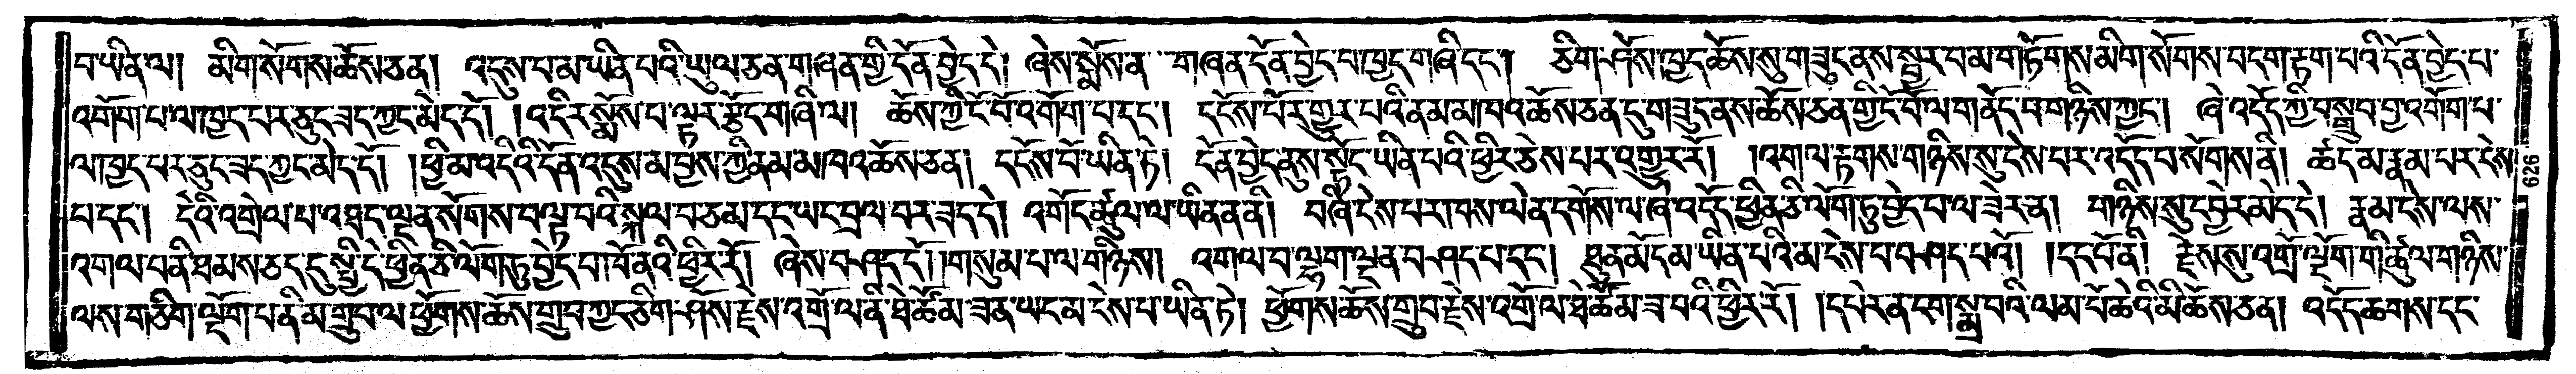པ་ཡིན་ལ། མིག་སོགས་ཆོས་ཅན། འདུས་པ་མ་ཡིན་པའི་ཡུལ་ཅན་གཞན་གྱི་དོན་བྱེད་དེ། ཞེས་སྨོས་ན། གཞན་དོན་བྱེད་པ་ཁྱད་གཞི་དང་། ཅིག་ཤོས་ཁྱད་ཆོས་སུ་གཟུང་ནས་སྦྱར་བ་མ་གཏོགས་མིག་སོགས་བདག་རྟག་པའི་དོན་བྱེད་པ་
འགོག་པ་ལ་ཁྱད་པར་ཅུང་ཟད་ཀྱང་མེད་དོ། །འདིར་སྨོས་པ་ལྟར་རྩོད་གཞི་ལ། ཆོས་ཀྱི་ངོ་བོ་འགོག་པ་དང་། དངོས་པོར་གྱུར་པའི་ནམ་མཁའ་ཆོས་ཅན་དུ་གཟུང་ནས་ཆོས་ཅན་གྱི་ངོ་བོ་ལ་གནོད་པ་གཉིས་ཀྱང་། ཞེ་འདོད་ཀྱི་བསྒྲུབ་བྱ་འགོག་པ་
ལ་ཁྱད་པར་ཅུང་ཟད་ཀྱང་མེད་དོ། །ཕྱི་མ་འདིའི་དོན་འདུས་མ་བྱས་ཀྱི་ནམ་མཁའ་ཆོས་ཅན། དངོས་པོ་ཡིན་ཏེ། དོན་བྱེད་ནུས་སྟོང་ཡིན་པའི་ཕྱིར་ཅེས་པར་འགྱུར་རོ། །འགལ་རྟགས་གཉིས་སུ་ངེས་པར་འདོད་པ་སོགས་ནི། ཚད་མ་རྣམ་པར་ངེས་
པ་དང་། དེའི་འགྲེལ་པ་འཐད་ལྡན་སོགས་བལྟ་བའི་སྐལ་བ་ཅམ་དང་ཡང་བྲལ་བར་ཟད་དེ། འགོང་ཚུལ་ལ་ཡིན་ན་ནི། བཞི་ངེས་པར་ཁས་ལེན་དགོས་ལ་ཞེ་འདོད་ཕྱིན་ཅི་ལོག་ཏུ་བྱེད་པ་ལ་ཟེར་ན། གཉིས་སུ་དབྱེར་མེད་དེ། རྣམ་ངེས་ལས་
འགལ་བ་ནི་ཐམས་ཅད་དུ་སྤྱི་དེ་ཕྱིན་ཅི་ལོག་ཏུ་བྱེད་པ་ཁོ་ནའི་ཕྱིར་རོ། ཞེས་བཤད་དོ། །གསུམ་པ་ལ་གཉིས། འགལ་བ་ལྷག་ལྡན་བཤད་པ་དང་། ཐུན་མོང་མ་ཡིན་པའི་མ་ངེས་པ་བཤད་པའོ། །དང་པོ་ནི། རྗེས་སུ་འགྲོ་ལྡོག་གི་ཚུལ་གཉིས་
ལས་གཅིག་ལྡོག་པ་ནི་མ་གྲུབ་ལ་ཕྱོགས་ཆོས་གྲུབ་ཀྱང་ཅིག་ཤོས་རྗེས་འགྲོ་ལ་ནི་ཐེ་ཚོམ་ཟན་ཡང་མ་ངེས་པ་ཡིན་ཏེ། ཕྱོགས་ཆོས་གྲུབ་རྗེས་འགྲོ་ལ་ཐེ་ཚོམ་ཟ་བའི་ཕྱིར་རོ། །དཔེར་ན་དག་སྨྲ་བའི་ལམ་པོ་ཆེའི་མི་ཆོས་ཅན། འདོད་ཆགས་དང་